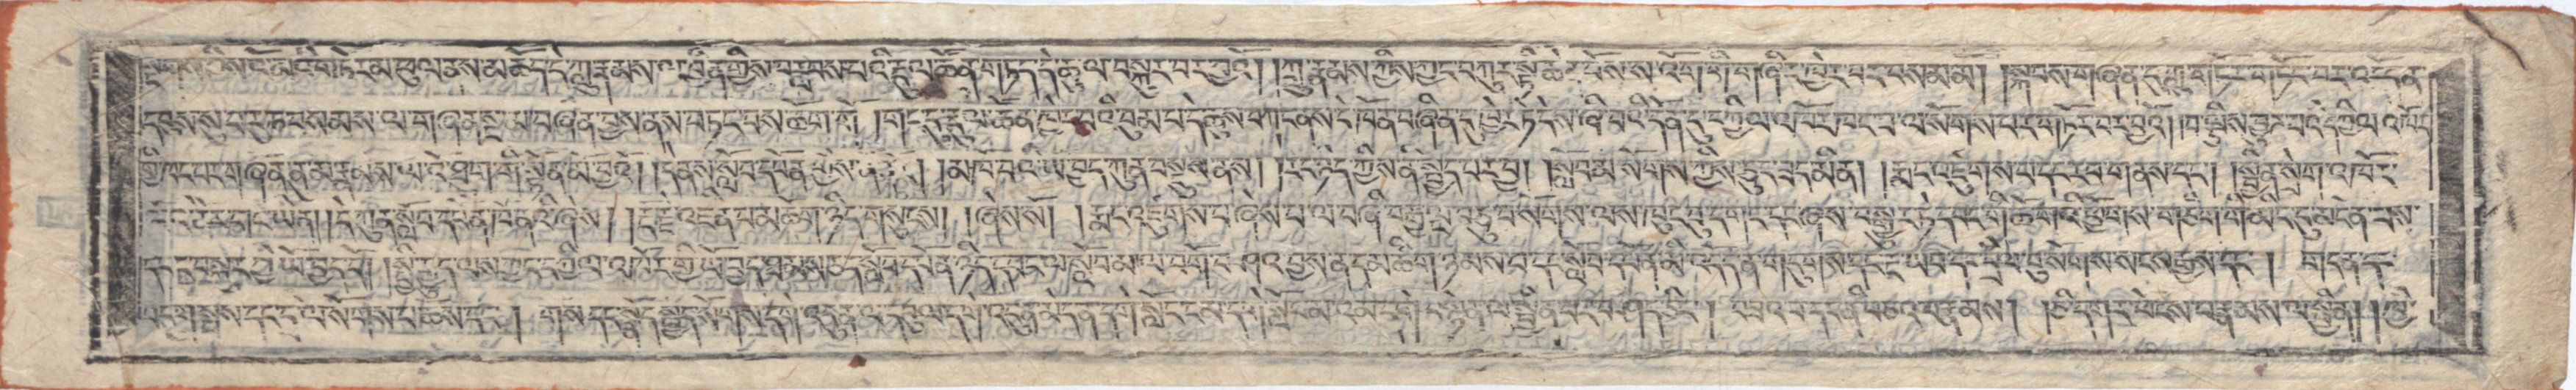སྔགས་ཀྱིས་འོ་མའི་གཏོར་མ་ཕུལ་ནས་མཆོད་དེ་ཀླུ་རྣམས་ལ་བྱིན་གྱིས་བརླབས་པའི་རྡུལ་ཚོན་གཏད་དེ་ཆུ་ལ་བསྐུར་བར་བྱའོ། །ཀླུ་རྣམས་ཀྱིས་ཀྱང་བཀུར་སྟི་ཆེན་པོས་ས་འོག་གི་གཞིར་ཁྱེར་བར་བསམ་མོ། །སྐབས་གཞན་དུ་ཀླུ་གཏོར་གཏོང་བར་འདོད་ན་
དབུས་སུ་བ་རུ་ཆ་བསམས་ལ་གཞན་སྔ་མ་བཞིན་བྱས་ནས་བཏང་བས་ཆོག་གོ །གང་དུ་རྡུལ་ཚོན་ཁྱེར་བའི་བུམ་པ་དེ་ཆུས་བཀང་ནས་དེ་ཁོ་ན་བཞིན་དུ་ཁྱེར་ཏེ་དེས་ཞི་བའི་དོན་དུ་དཀྱིལ་འཁོར་ཁང་པ་ལ་སོགས་པར་གཏོར་བར་བྱའོ། །བ་ལྕིས་བྱུགས་པའི་དཀྱིལ་འཁོར་
གྱི་ཁང་པར་གཞོན་ནུ་མ་རྣམས་ལ་འོ་ཐུག་གི་སྟོན་མོ་བྱའོ། །དེ་ནས་སློབ་དཔོན་གྱིས་ནི་ནོར། །མཁོ་བའི་ཡོ་བྱད་ཀུན་བསྡུས་ནས། །རང་ཉིད་ཀྱིས་ནི་སྤྱད་པར་བྱ། །སློབ་མ་སོགས་ཀྱིས་ཅུང་ཟད་མིན། །རྨང་འཛུགས་པ་དང་རབ་གནས་དང་། །སྦྱིན་སྲེག་འཁོར་
ལོའི་ནོར་གང་ཡིན། །དེ་ཀུན་སློབ་དཔོན་ཁོ་ནའི་ཞེས། །རྡོ་རྗེ་འཛིན་པ་མཆོག་ཉིད་གསུངས། །ཞེས་སོ། །རྨང་འཛུགས་པ་ཞེས་པ་ལ་བཞི་བརྒྱ་ལྔ་བཅུ་པ་སོགས་ལས་ཁུང་བུ་དགང་དང་ཞས་བསྒྱུར་ཏེ་དབང་གི་ཆོ་གའི་ཕྱོགས་གཅིག་གི་མིང་དུ་མངོན་པས་
དབང་བསྐུར་ཀྱི་ཡོ་བྱད་དོ། །སྤྱི་རྒྱུད་ལས་ཀྱང་དཀྱིལ་འཁོར་གྱི་ཡོ་བྱད་ཐམས་ཅད་སློབ་དཔོན་ཉིད་དབང་ལ་སློབ་མ་ལ་བགོ་བཤའ་བྱས་ན་དམ་ཚིག་ཉམས་པ་དང་སློབ་དཔོན་མི་འདོད་ན་གདུགས་དང་རྔ་ཡབ་དང་དྲིལ་བུ་སོགས་སངས་རྒྱས་དང་། གདན་དང་
བདུག་སྤོས་དང་དྲི་ལ་སོགས་པ་ཆོས་དང་། གོས་དང་སྣོད་སྤྱད་སོགས་དགེ་འདུན་ལ་དབུལ་དགེ་འདུན་མེད་ན་དགེ་སློང་ངམ་དགེ་སློང་མ་འམ་དགེ་བསྙེན་ལ་སྦྱིན་པར་བཤད་ཅིང་། བཟའ་བ་དང་ནི་བཅའ་བ་རྣམས། །ཅི་དགར་ཕོངས་པ་རྣམས་ལ་སྦྱིན། །ཁྱི་